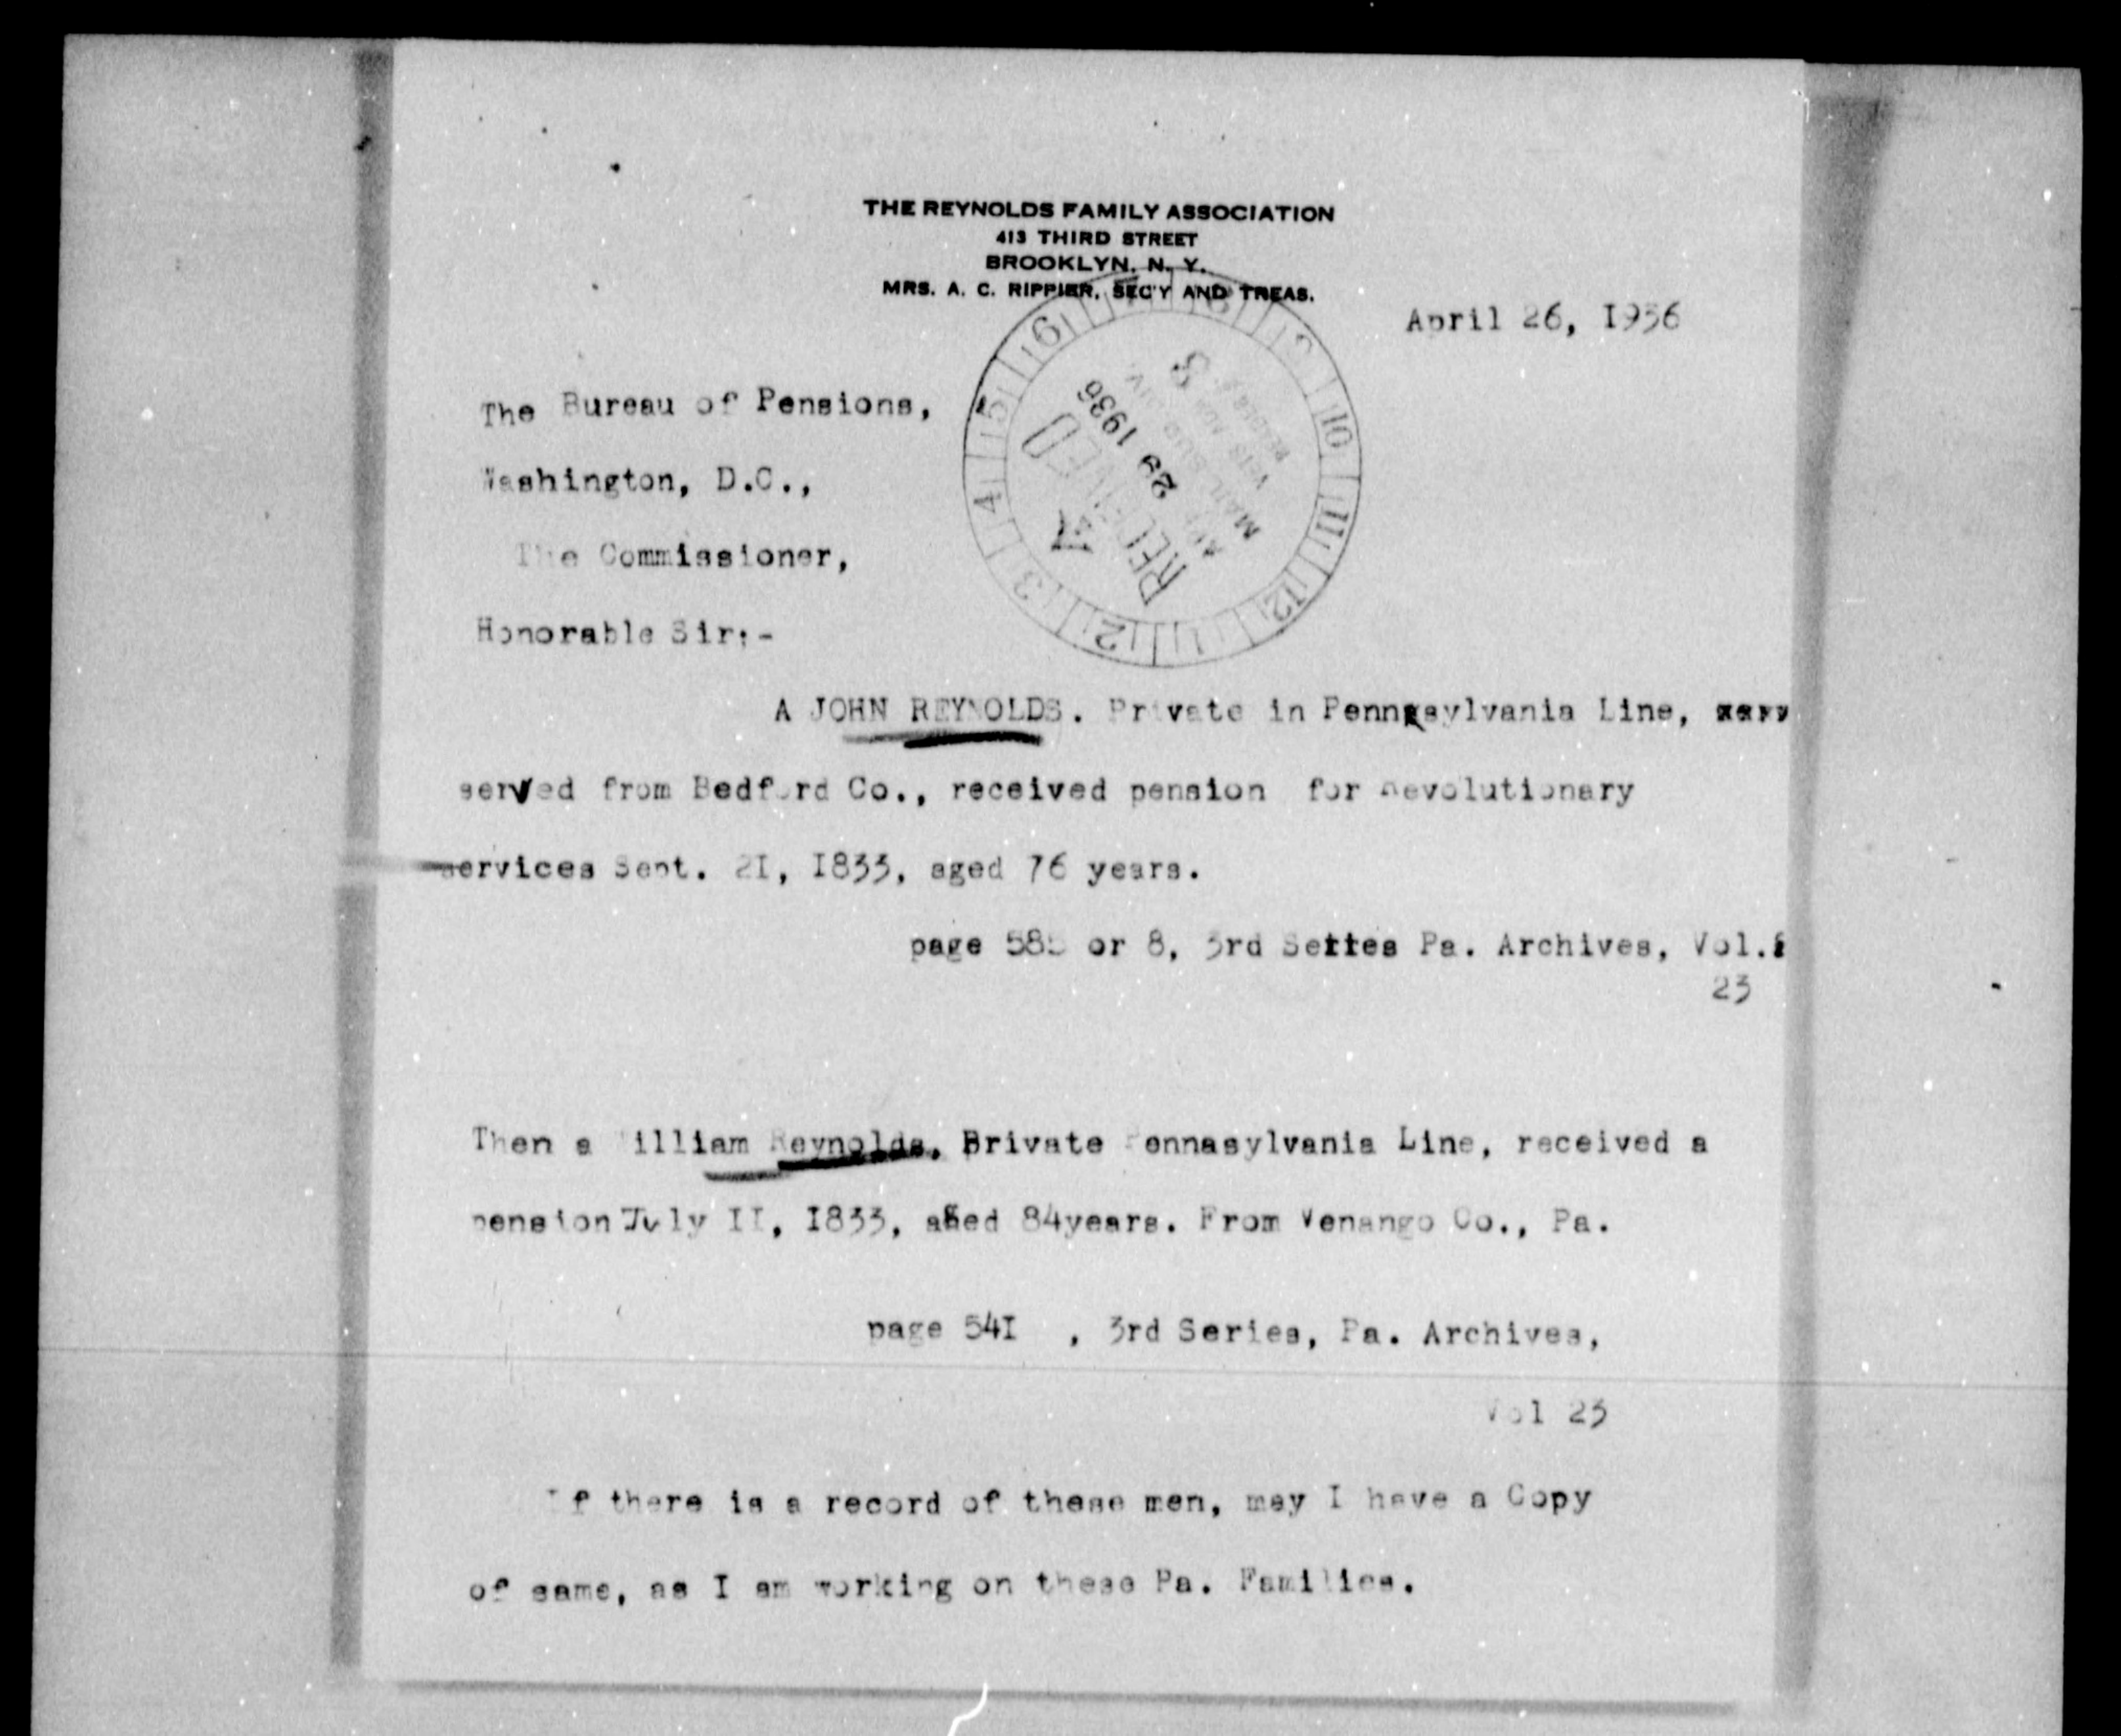THE REYNOLDS FAMILY ASSOCIATION
413 THIRD STREET
BROOKLYN, N.Y.
Mrs. A. C. Rippier, Sec'y and Treas.
April 26, 1956
Received Apr 29 1936 
Mail sub 

The Bureau of Pensions
Washington, D.C.,
The Commissioner,
Honorable Sir:-

A JOHN REYNOLDS, Private in Pennsylvania Line, served
from Bedford Co., received pension for Revolutionary
Sept. 21, 1833, aged 76 years.
page 585 or 8, 3rd Settes Pa. Archives, Vol. 
23
Then a William Reynolds, Private Pennsylvania Line, received a
pension July 11, 1833, aged 84 years. From Venango Co., Pa.

page 541, 3rd Series, Pa. Archives,
Vol 23
If there is a record of these men, may I have a Copy
of same, as I am working on these Pa. Families,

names: William Reynolds; A C Rippier; John Reynolds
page: 14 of 19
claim: survivor's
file: S. 14,273, for William Reynolds, Pennsylvania